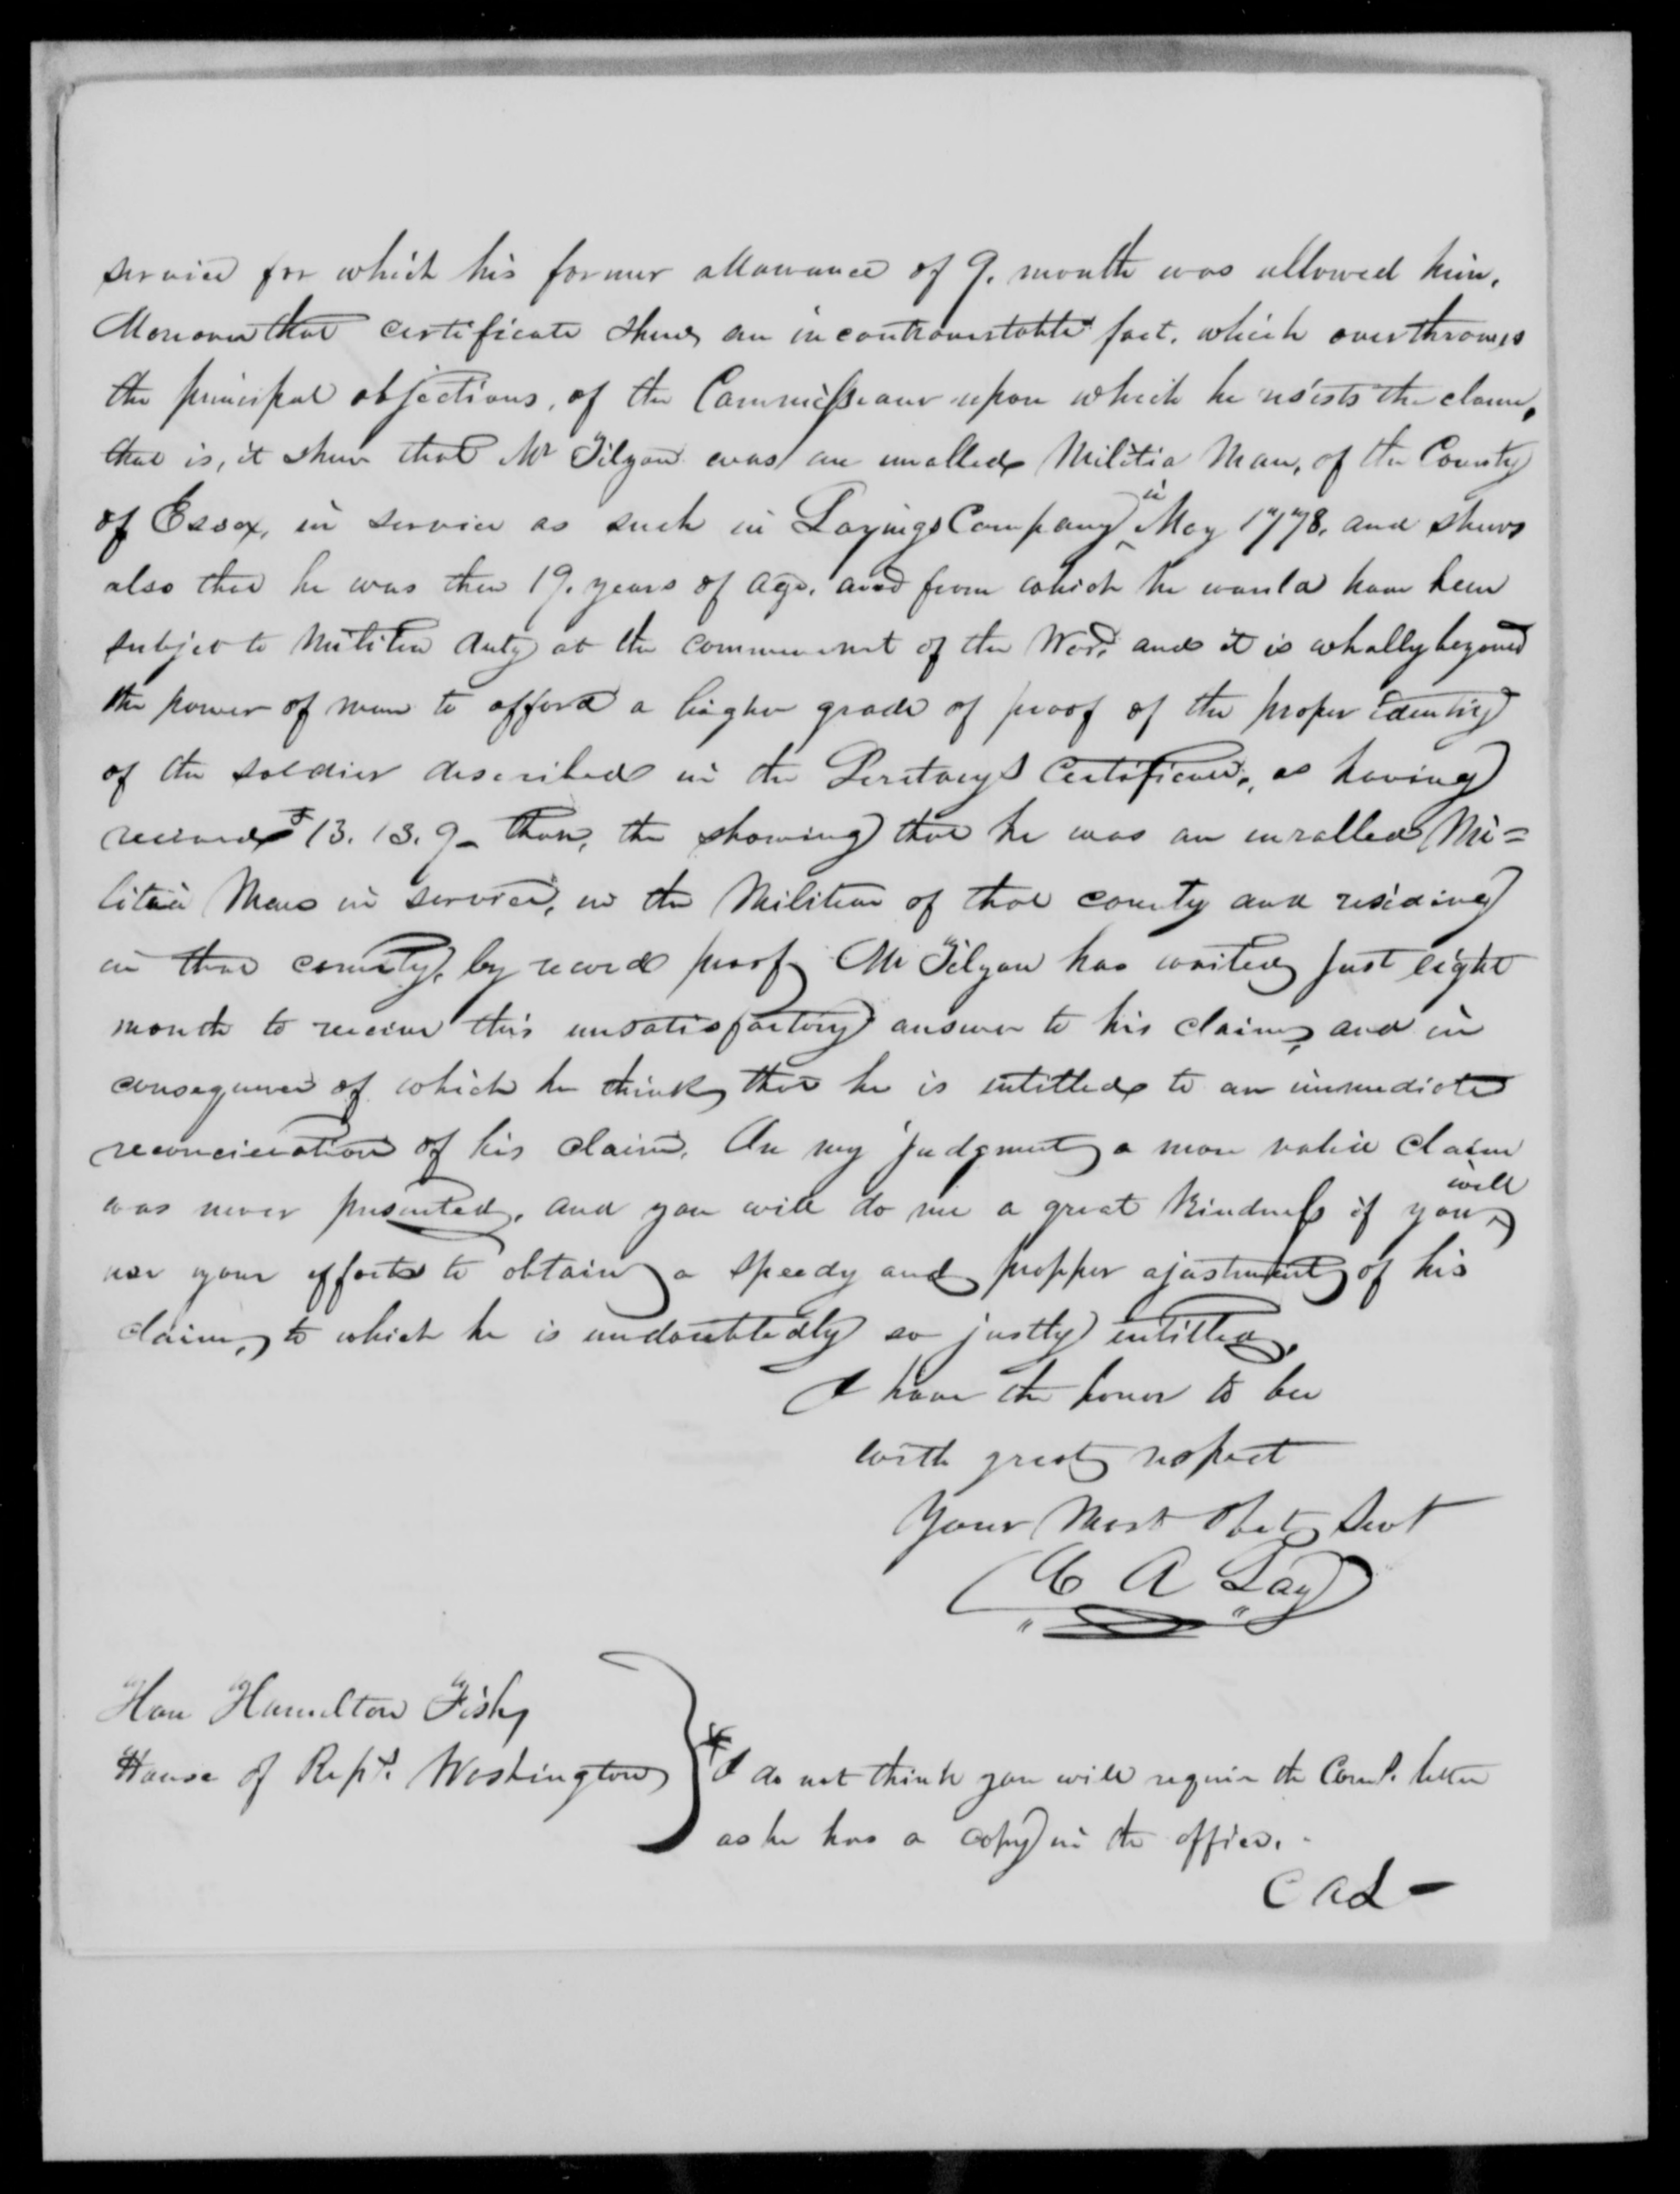service for which his former allowance of 9. month was offered him. Moreover that certificate shews an incontestable fact, which over throws the principal objections of the Commissioner upon which he insists the claim that is, it shew that Mr. Tilyou was an enrolled Militia Man of the County of Essex, in service as such in Laynings Company in May 1778 and shews also that he was then 19 years of age and from which he would have been subject to Militia only at the commencement of the War, and it is wholly beyond the power of man to afford a higher grade of proof of the proper identity of the soldier described in the Secretarys Certificate, as having received £13.13.9 than the showing that he was an enrolled Militia Man in service, in the Militia of that county and residing in that county by records proof Mr. Tilyou has waited just eight  month to receive this unsatisfactory answer to his claim and in consequence of which he thinks that he is entitled to an immediate reconsideration of his claim. On my judgment a more valid claim was never presented and you will do me a great kindness if you will use your efforts to obtain a speedy and proper ajustment of his claim which he is understandably so justly entitled.

I have the honor to be
with great respect
Your Most Obed Sevt
C A Lay 

Hon. Hamilton Fish
House of Rept. Washington } * I do not think you will require the Commisr letter as he has a copy in the office. C A L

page: 82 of 101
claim: widow's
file: W. 25481, for Peter V Tilyou, New Jersey